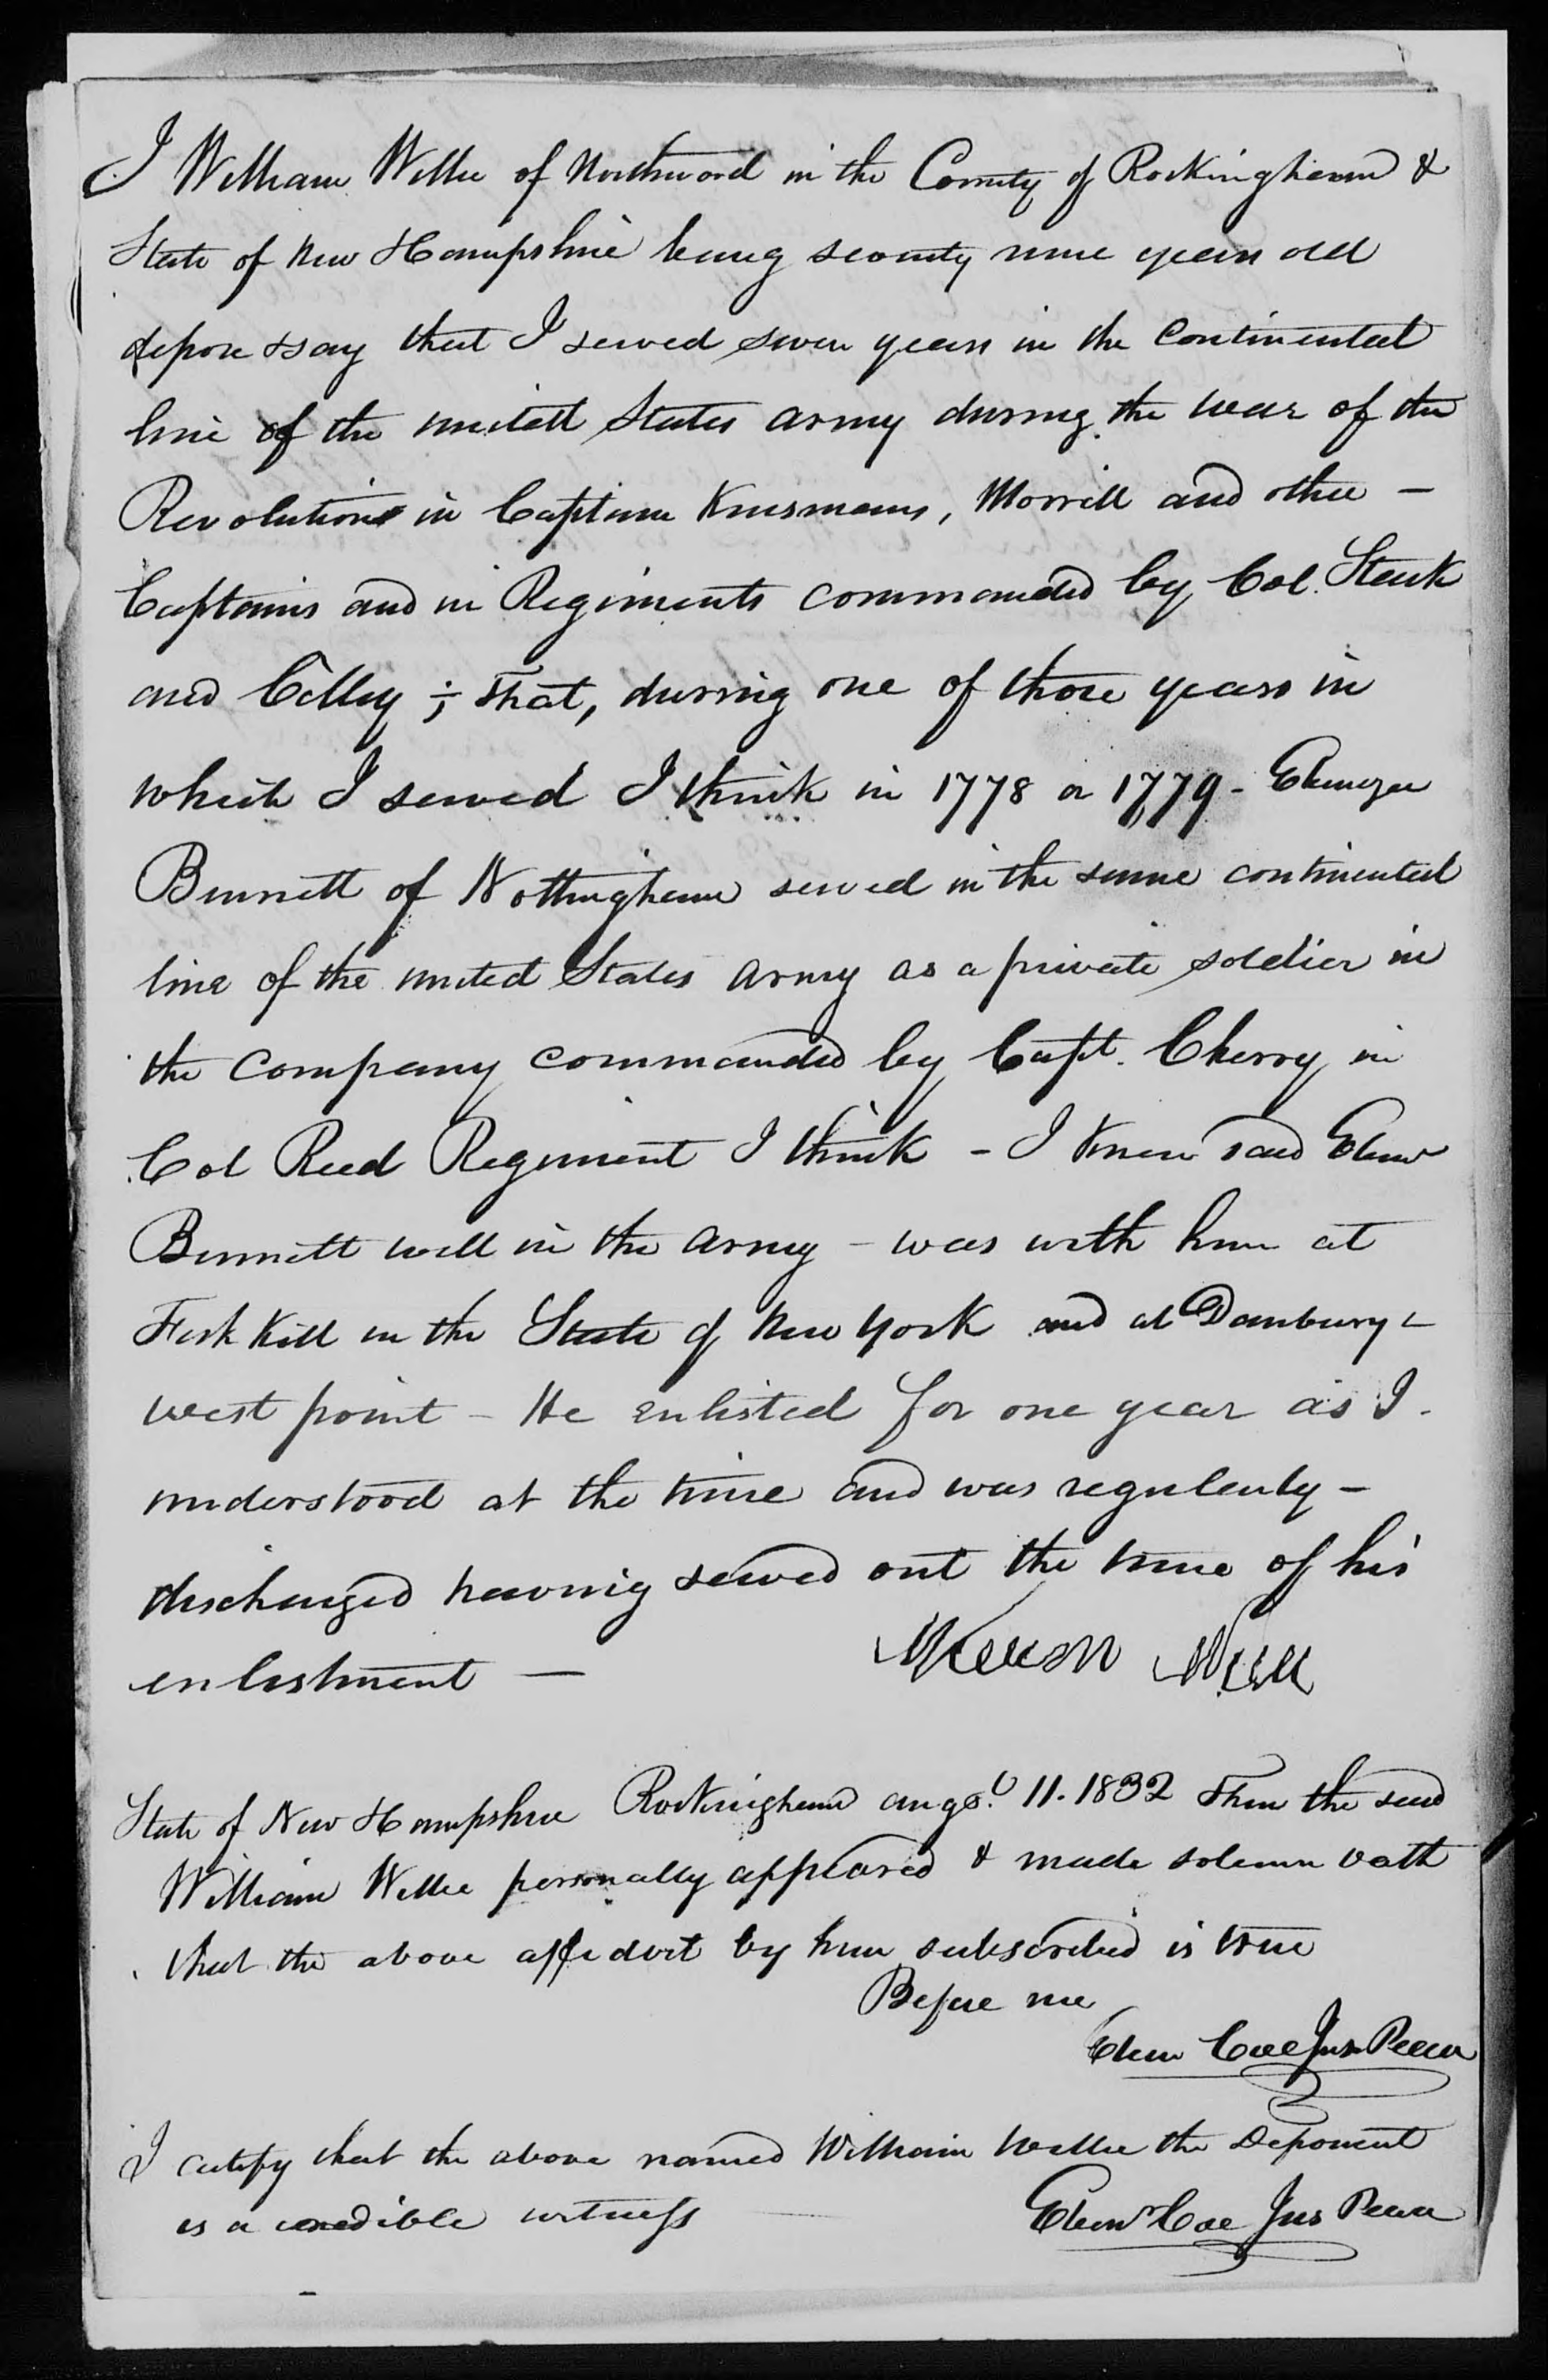William Willie of Northward in the County of Rockingham & State of New Hampshire being seventy nine years old depose & say that I served seven years in the Continental line of the United States army during the war of the Revolution in Captain Kinsmans, Morrill and other Captains and in Regiments commanded by Col. Stark and Colley; that during one of those years in which I served I think in 1778 or 177 -. Ebenezer Bennett of Nottingham served in the same continental line of the United States Army as a private soldier in the company commanded by Capt. Cherry in
Col Reed Regiment I think -- I knew said Ebenezer Bennett well in the army - was with him at Fisk kill in the State of New York and at Danbury & west point -- He enlisted for one year as I understood at the time and was regularly discharged having served out the time of his 
enlistment - William Willie
State of New Hampshire Rockingham Aug 11, 1832 then the said William Wellie personally appeared & made solemn oath that the above affidavit by him subscribed is true
Before me
Eben Coe Jus Peace

I certify that the above named William Willie the Deponent is a credible witness
Eben Coe Jus Peace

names: Ebenezer Bennett, Stark, William Willie, Willim Wille, Krusmann, Morrill, William Willie, Cherry, Ebenr Coe, Cilley, Ebenr Bennett, Ebenr Coe, William Willie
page: 37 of 43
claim: widow's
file: W. 21665, Ebenezer Bennett, N. H. Privateer.